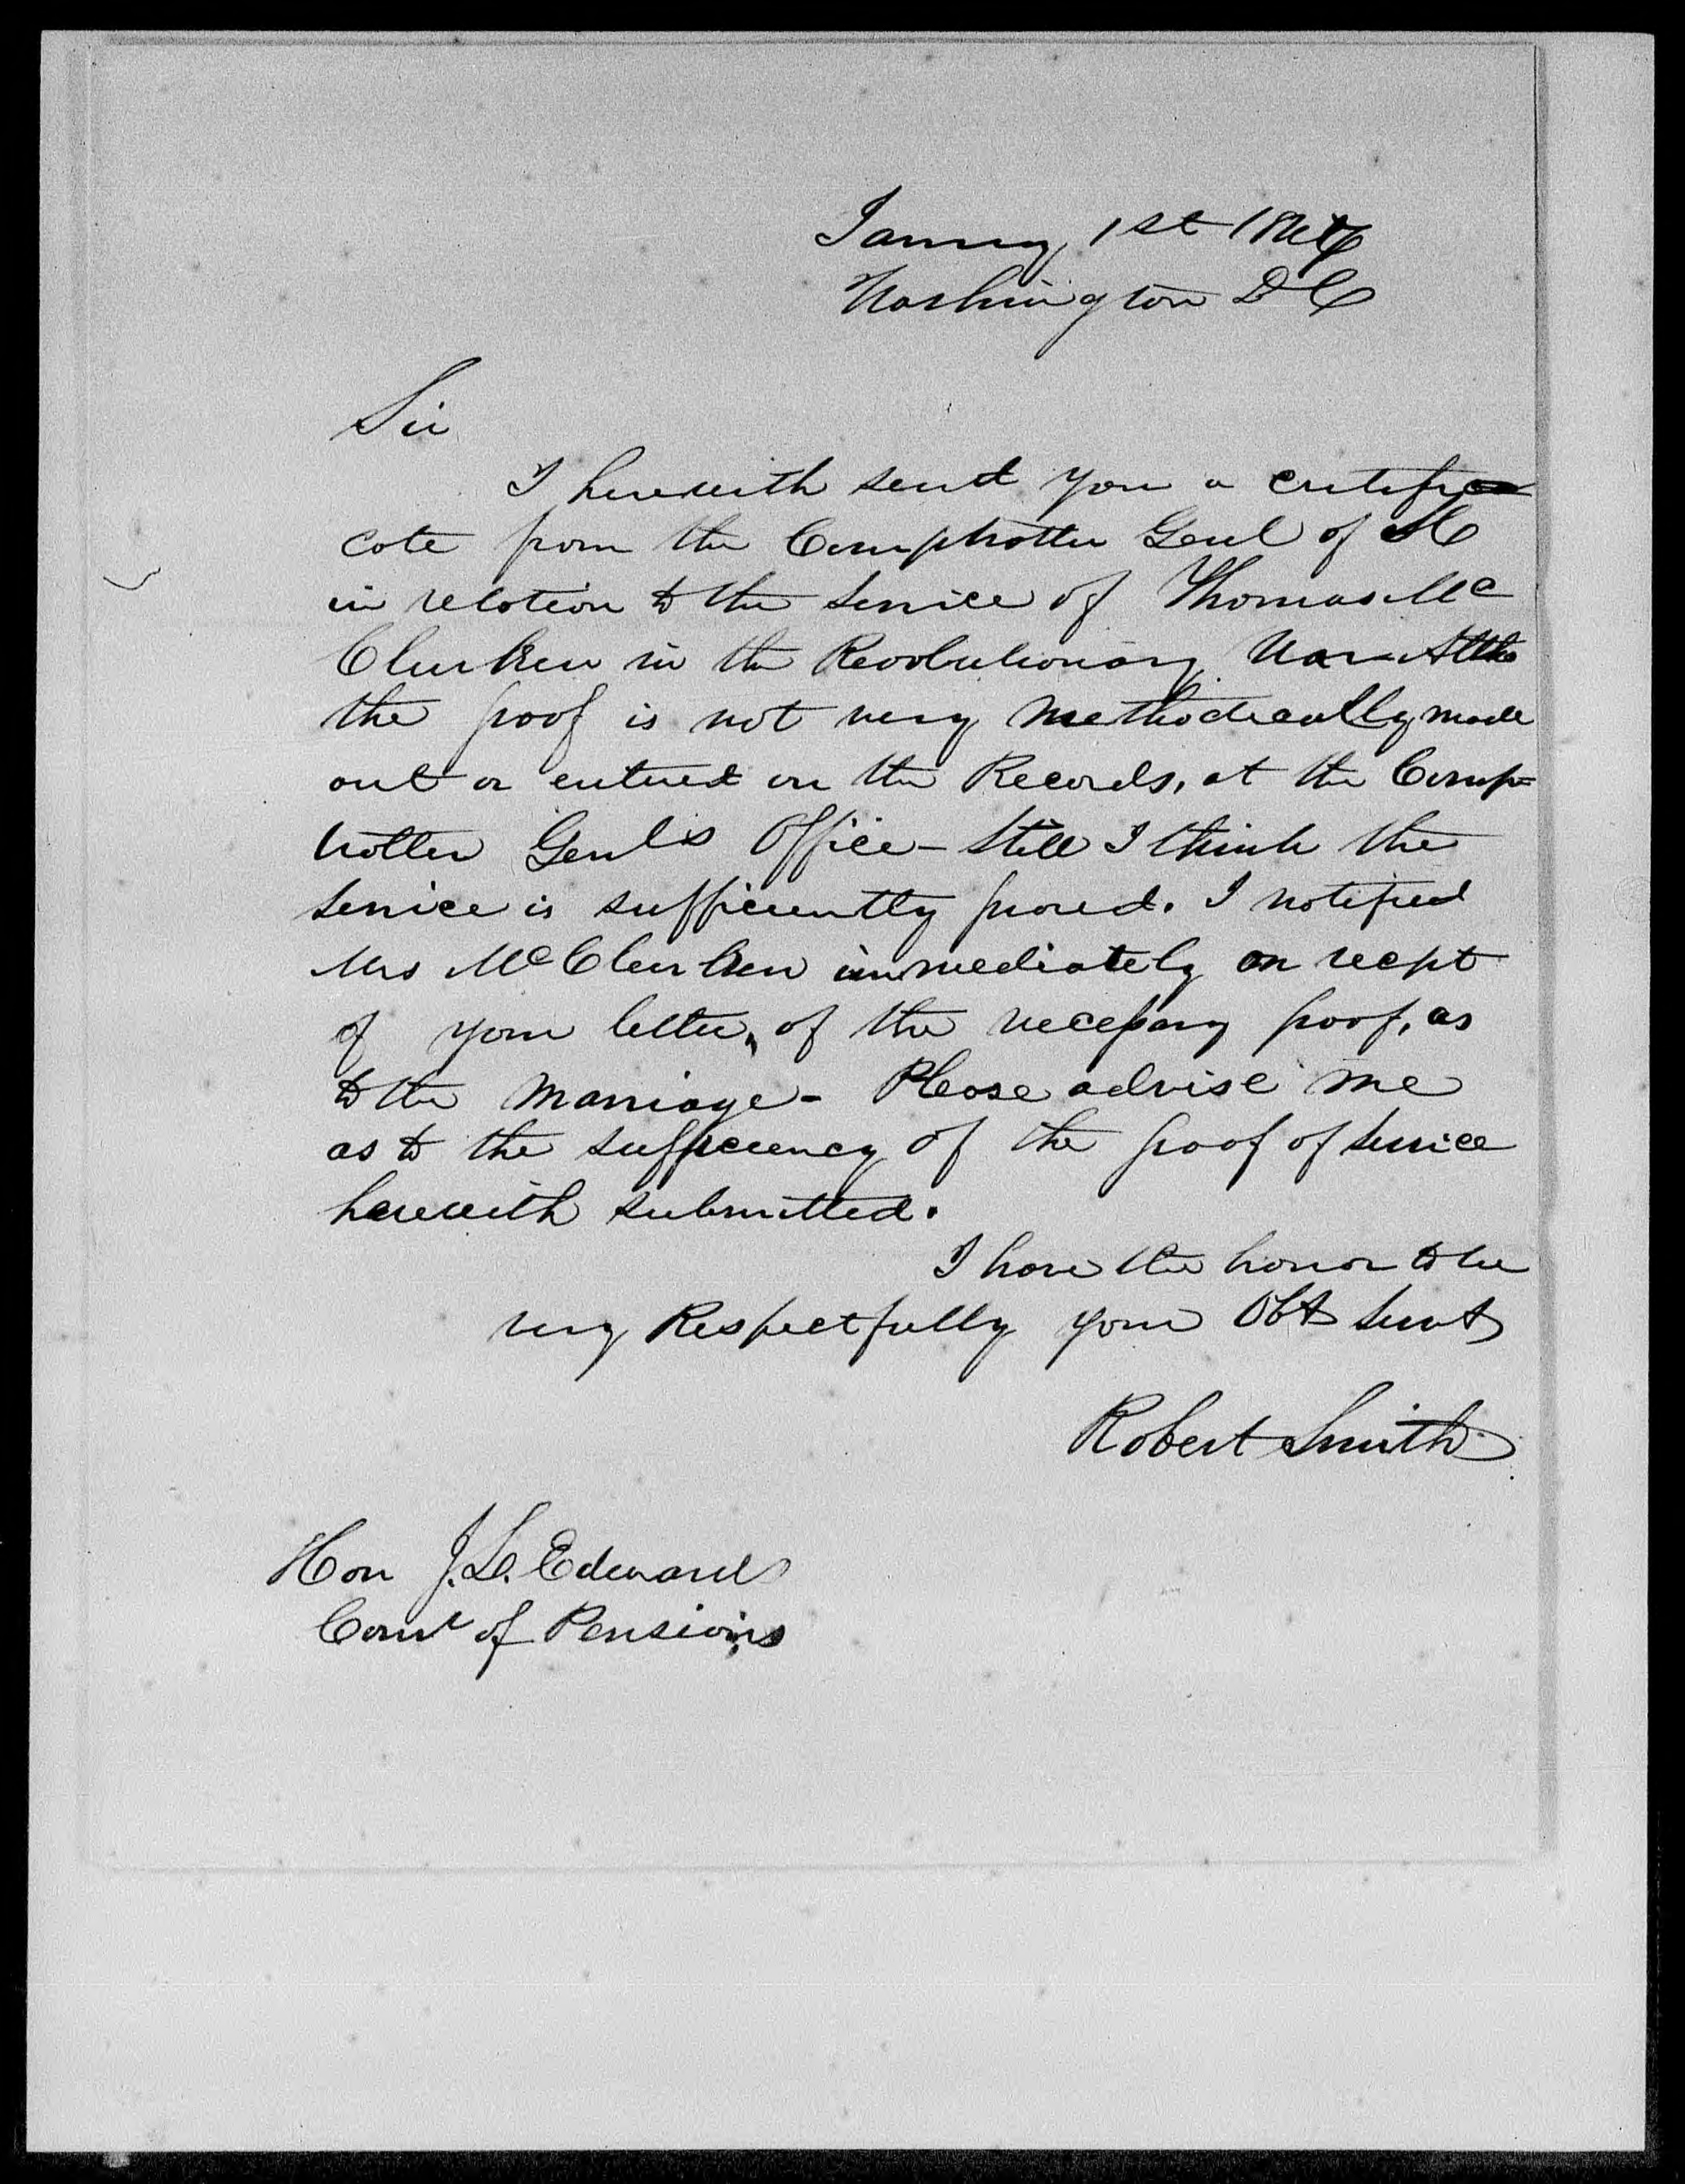January 1st 1846 [unintelligible-year}
Washington DC 

Sir 
I herewith send you certificate from the Comptroller Genl of SC in relation to the service of Thomas McClurken in the Revolutionary War Attached the proof is not very methodically made out or entered on the Records, at the Comptroller Genls Office. Still I think the service is sufficiently proved. I notified Mrs McClurken immediately on receipt of your letter of the necessary poof, as to the Marriage. Please advise me as to the sufficiency of the proof of service herewith submitted. 

I have the honor to be 
very Respectfully your Obt Servt 
Robert Smith 

Hon J.L. Edwards 
Comm of Pensions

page: 35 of 93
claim: widow's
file: W. 21792, for Thomas Mc Clurken, South Carolina